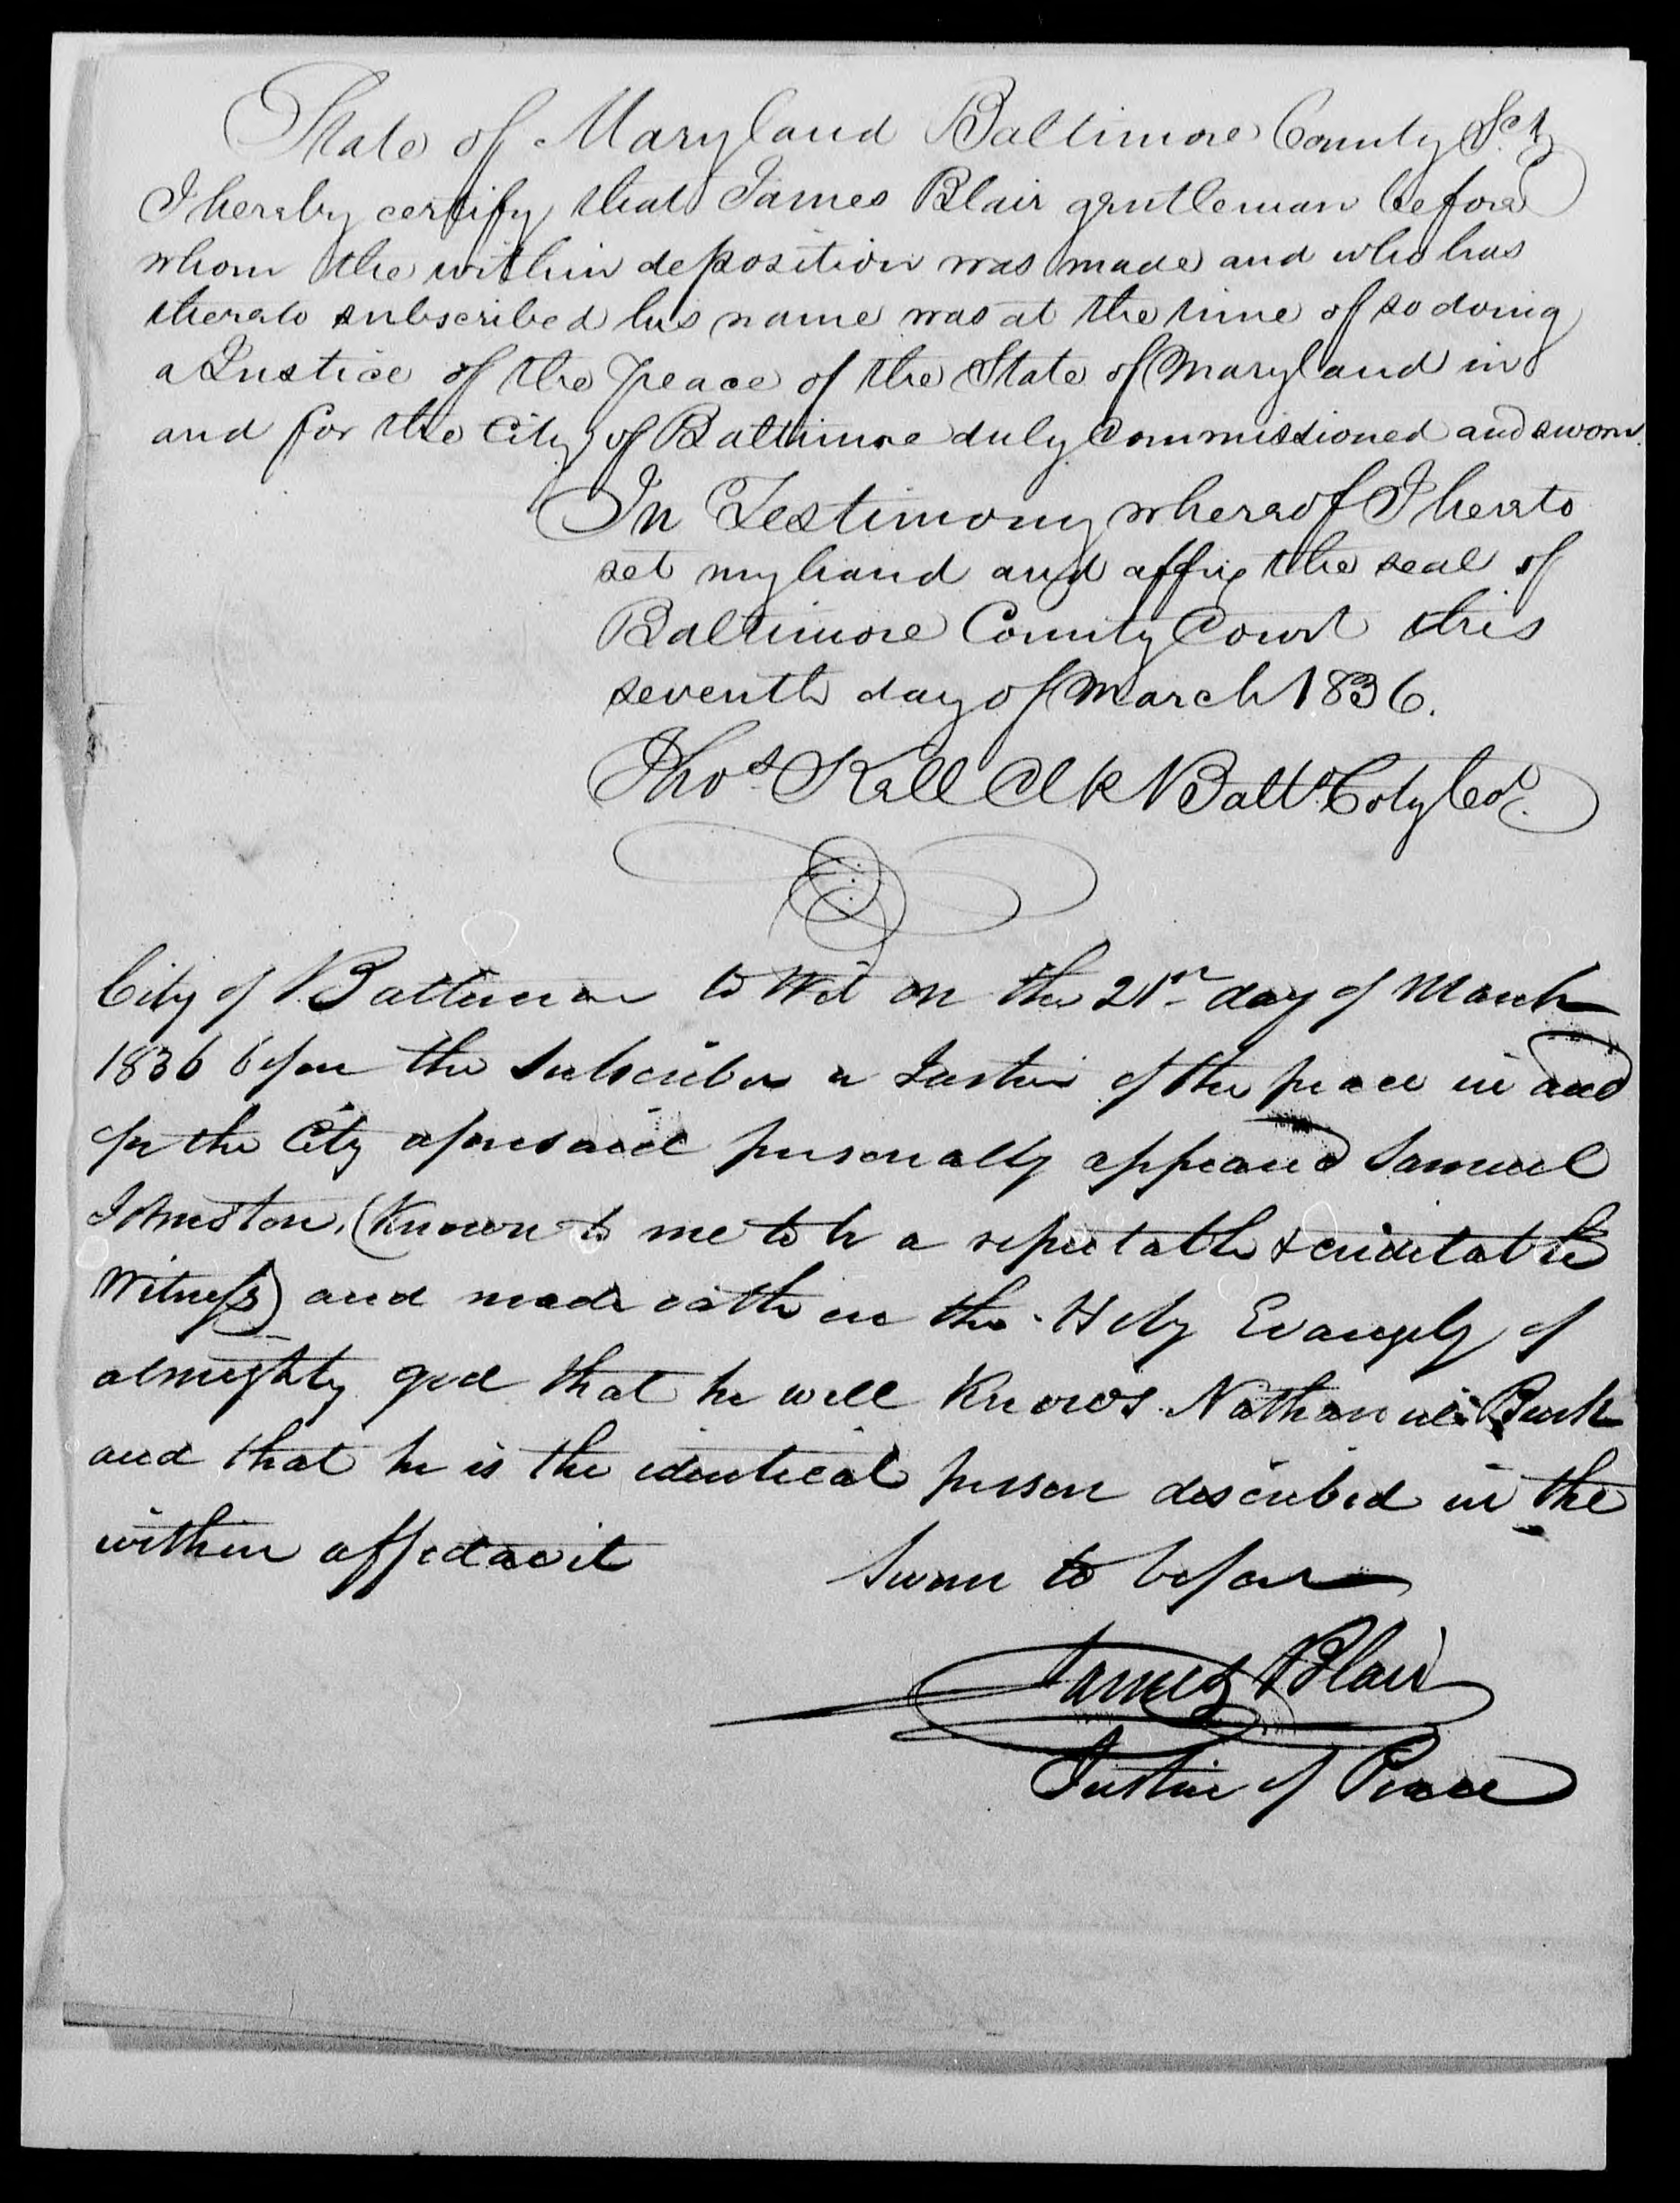State of Maryland Baltimore County Sch
I hereby certify that James Blair gentleman before whom the within deposition was made and who has
thereto subscribed his name was at the time of so doing a Justice of the peace of the State of Maryland in
and for the City of Baltimore duly commissioned and sworn.
In Testimony whereas of I hereto
set my hand and affix the seal of
Baltimore County Court this
seventh day of March 1836
Thos Kell Clk Balt Coty [Colyled?]
[elaborate hand drawn signat]
City of Baltimore to wit on the 21st day of March
1836 before the Subscriber & Justice of the peace in and for the City aforesaid personally appeared Samuel
Johnson, (known to me to be a respectable & creditable witness) and made oath in the Holy Evangely of almighty god that he well knows Nathaniel Burk
and that he is the identical person described in the
within affidavit
Sworn to before
James Blair
Justice of Peace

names: James Blair, Samuel Johnston, Thos Kell, Nathaniel Burk, James Blair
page: 15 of 20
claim: survivor's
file: S. 34674, Nathan Burk, Md.